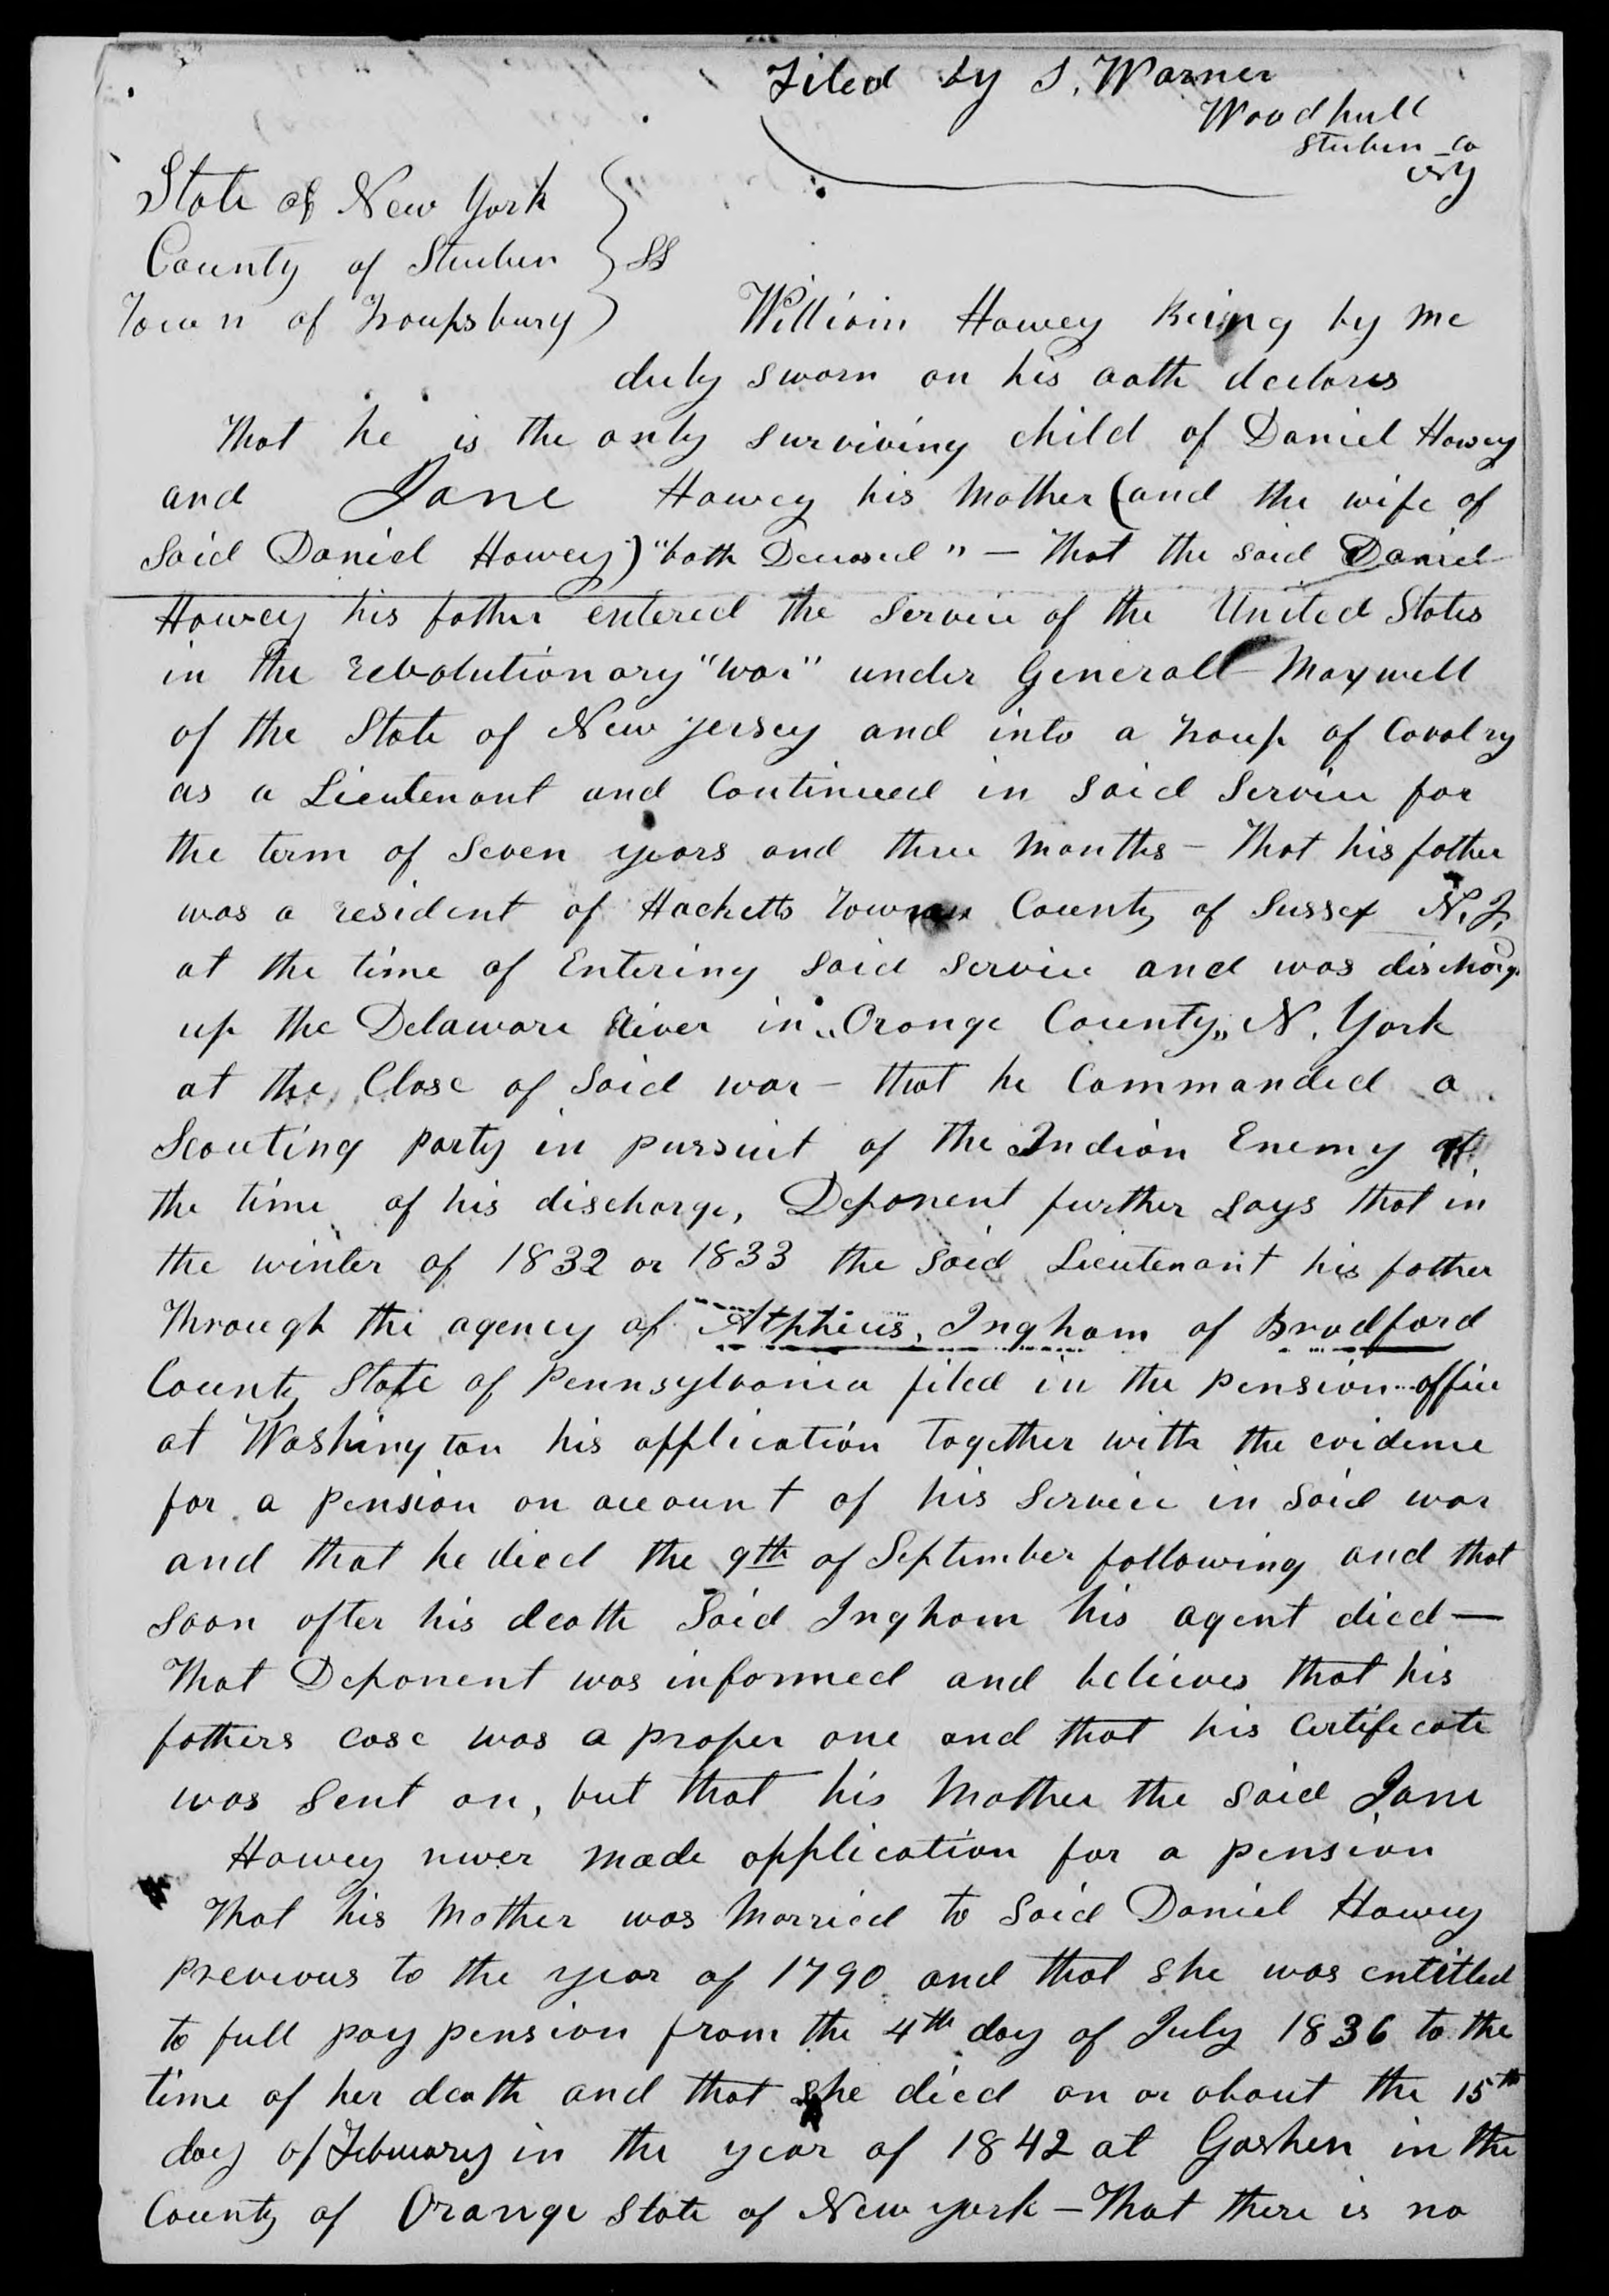Filed by J Warner
Woodhull
Steuben _ Co
NY
----------
State of New York}
County of Steuben} ss
Town of Troupsbury}

William Howey Being by me duly sworn on his oath declares that he is the only surviving child of Daniel Howey and Jane Howey his mother (and the wife of said Daniel Howey) "both Deceased" — that the said Daniel Howey his father entered the service of the United States in the revolutionary "war" under General Maxwell of the State of New Jersey and into a troup of Cavalry as a Lieutenant and continued in said service for the term of seven years and three months — That his father was a resident of Hacketts Town[illegible, smudged] County of Sussex N.J. at the time of Entering said service and was dischargd up the Delaware River in "Orange County" N. York at the Close of said war — that he Commanded a Scouting party in pursuit of the Indian Enemy at the time of his discharge, Deponent further says that in the winter of 1832 or 1833 the said Lieutenant his father Through the agency of Atphius[?], Ingham of Bradford County State of Pennsylvania filed in the pension office at Washington his application together with the evidence for a pension on account of his service in said war and that he died the 9th of September following and that soon after his death said Ingham his agent died — That Deponent was informed and believes that his fathers case was a proper one and that his certificate was sent on, but that his Mother the said Jane Howey never made application for a pension That his mother was married to said Daniel Howey previous to the year of 1790 and that she was entitled to full pay pension from the 4th day of July 1836 to the time of her death and that she died on or about the 15th day of February in the year of 1842 at Goshen in the County of Orange State of New York — That there is no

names: S Warner, William Howey, Jane Howey, Daniel Howey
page: 2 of 25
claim: rejected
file: R. 5190, Daniel Howey, New Jersey New York